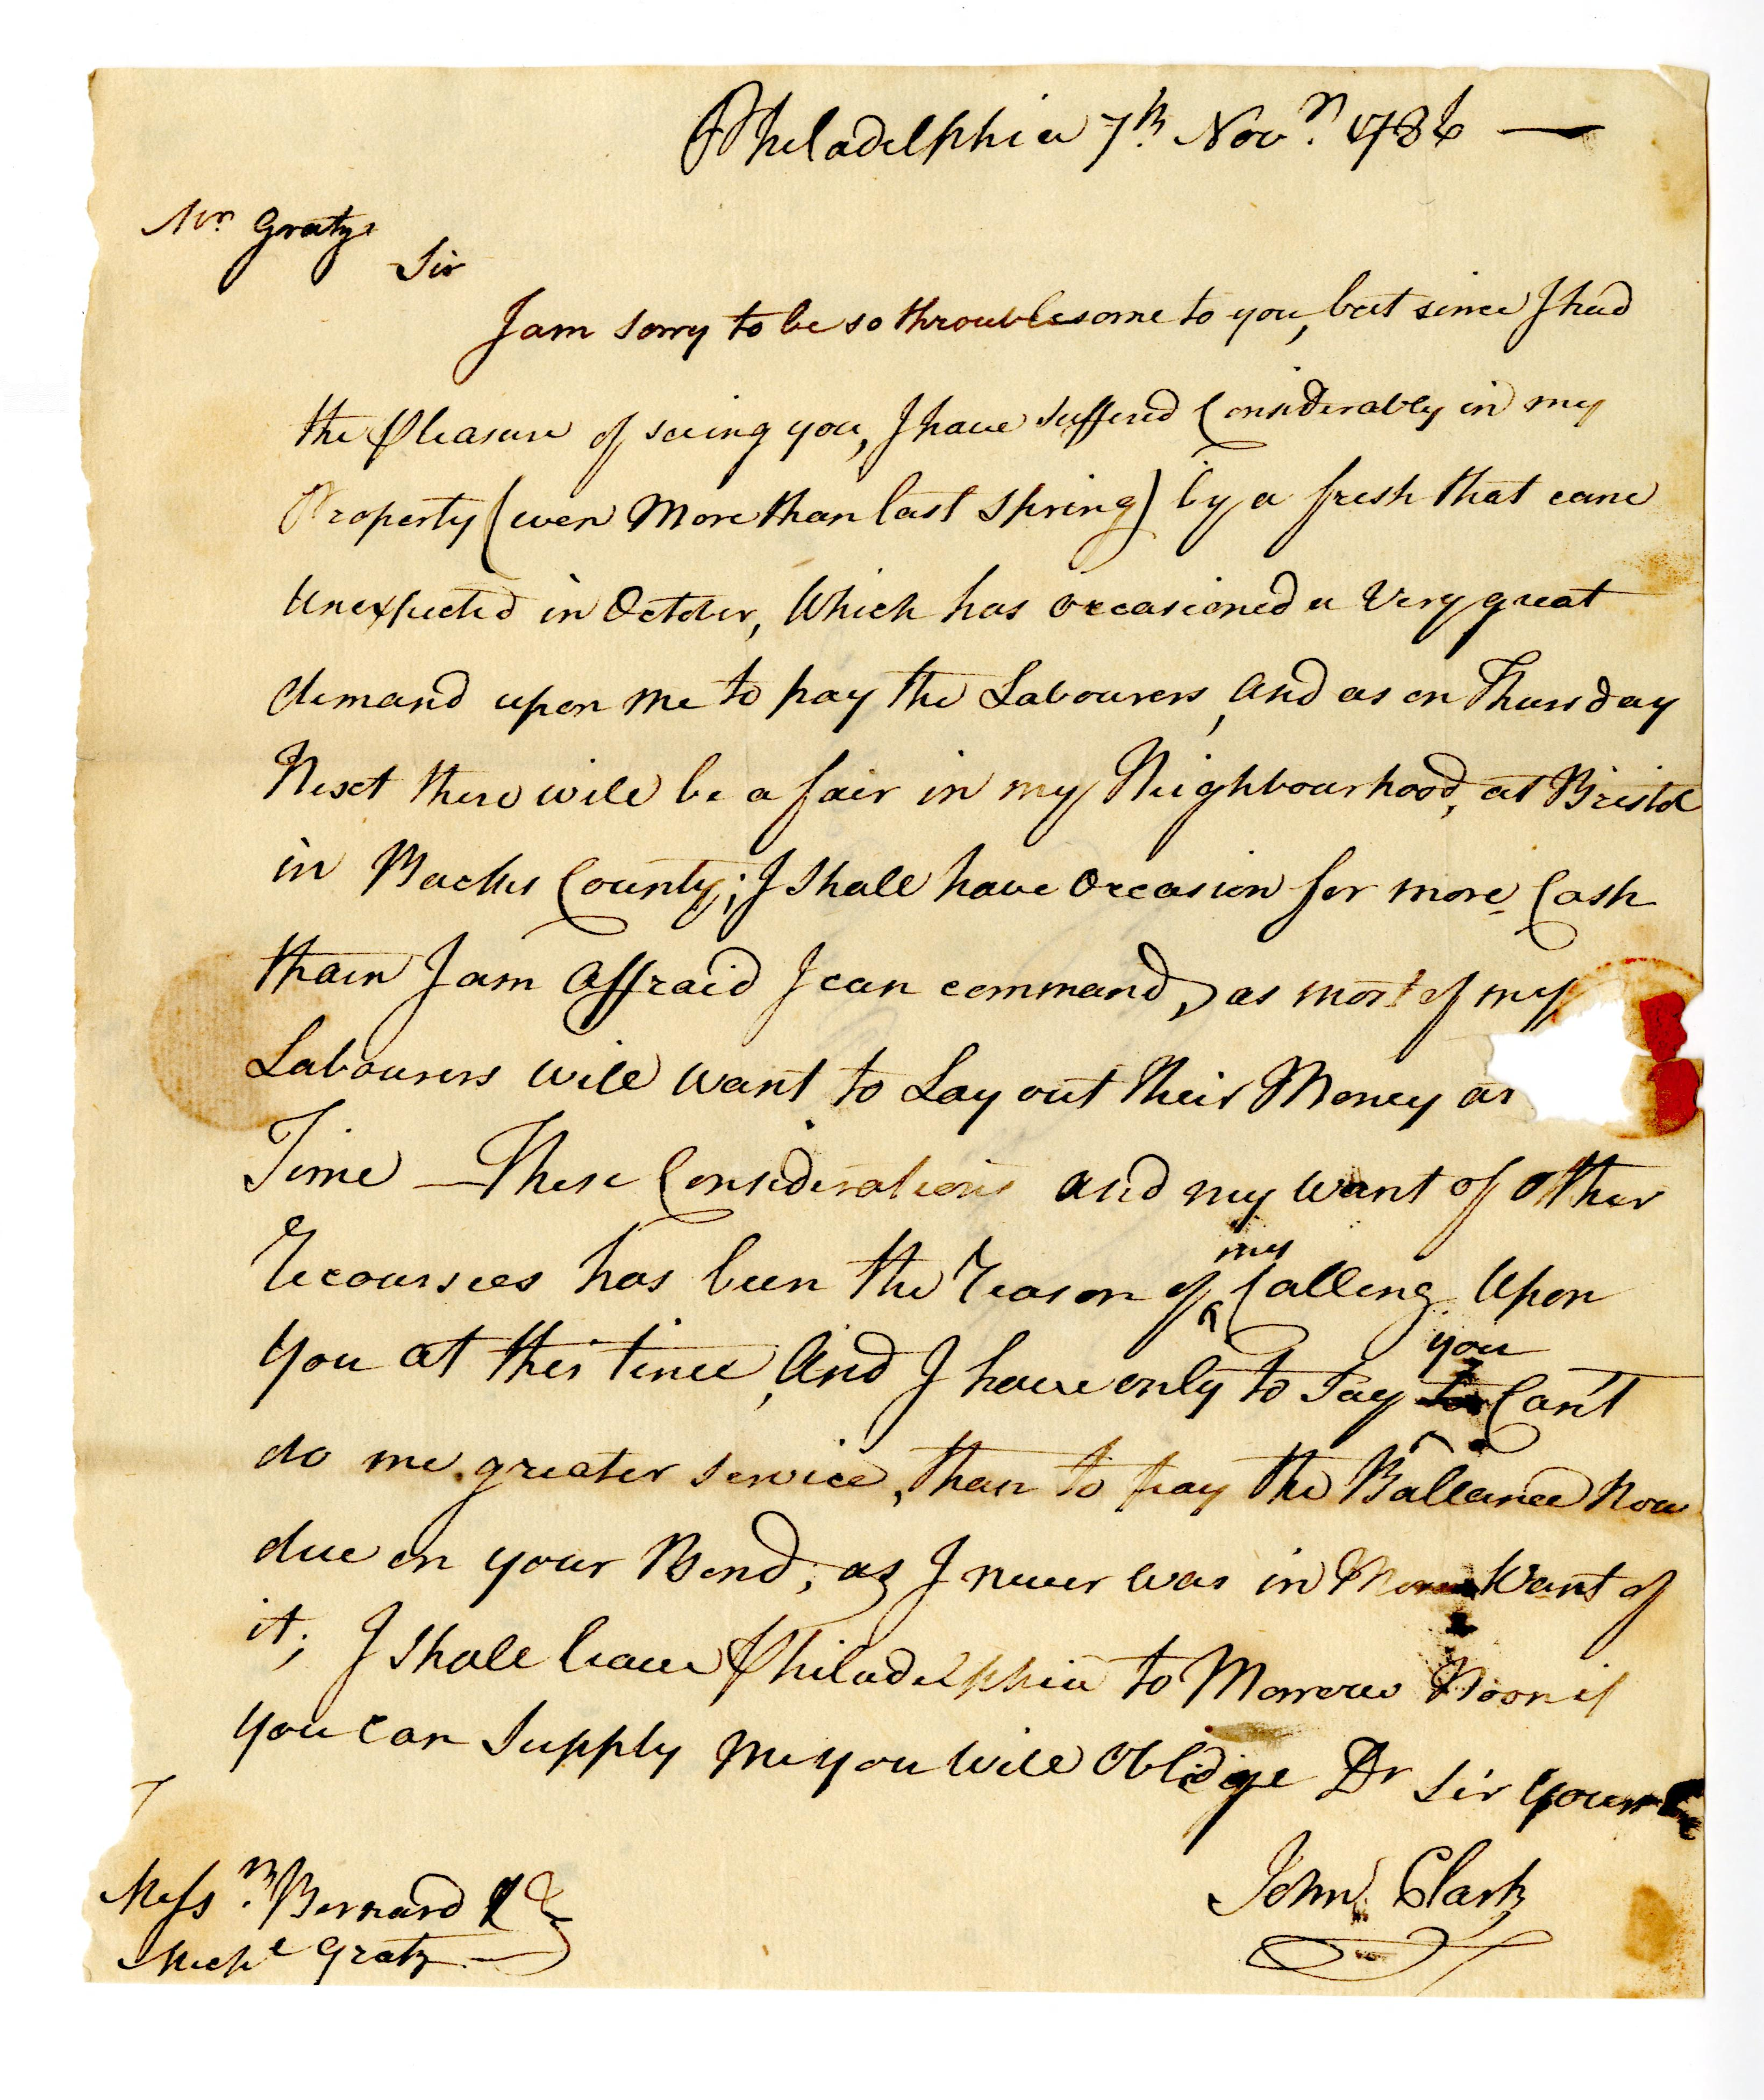Philadelphia 7^th. Nov^r. 1786-
M^r. Gratz
Sir
I am sorry to be so throublesome to you, but since I had
the Pleasure of seeing you I have suffered Considerably in my
Property (even More than last spring) by a frost that came
unexpected in October, Which has occasioned a Very great
Demand upon me to pay the Labourers and as on thursday
Next there will be a fair in my Neighborhood at Bristol
in Macks County, I Shall have occasion for more Cash
than I am Affraid I can command, as most of my
Labourers will want to Lay out their Money as
Time- These Considerations and my want of other
recourses has been the Reason of ^ Calling Upon
my
You at this time, And I have only to Say [__] Can't
you
do me greater service, than to pay the Ballance Now
due on your Bond; as I never was in More Want of
it, I shall leave Philadelphia to Morrow noon if
You can Supply me you will oblidge
D^r Sir yours
John Clark
Mess^rs Barnard &
Mich^l Gratz.-